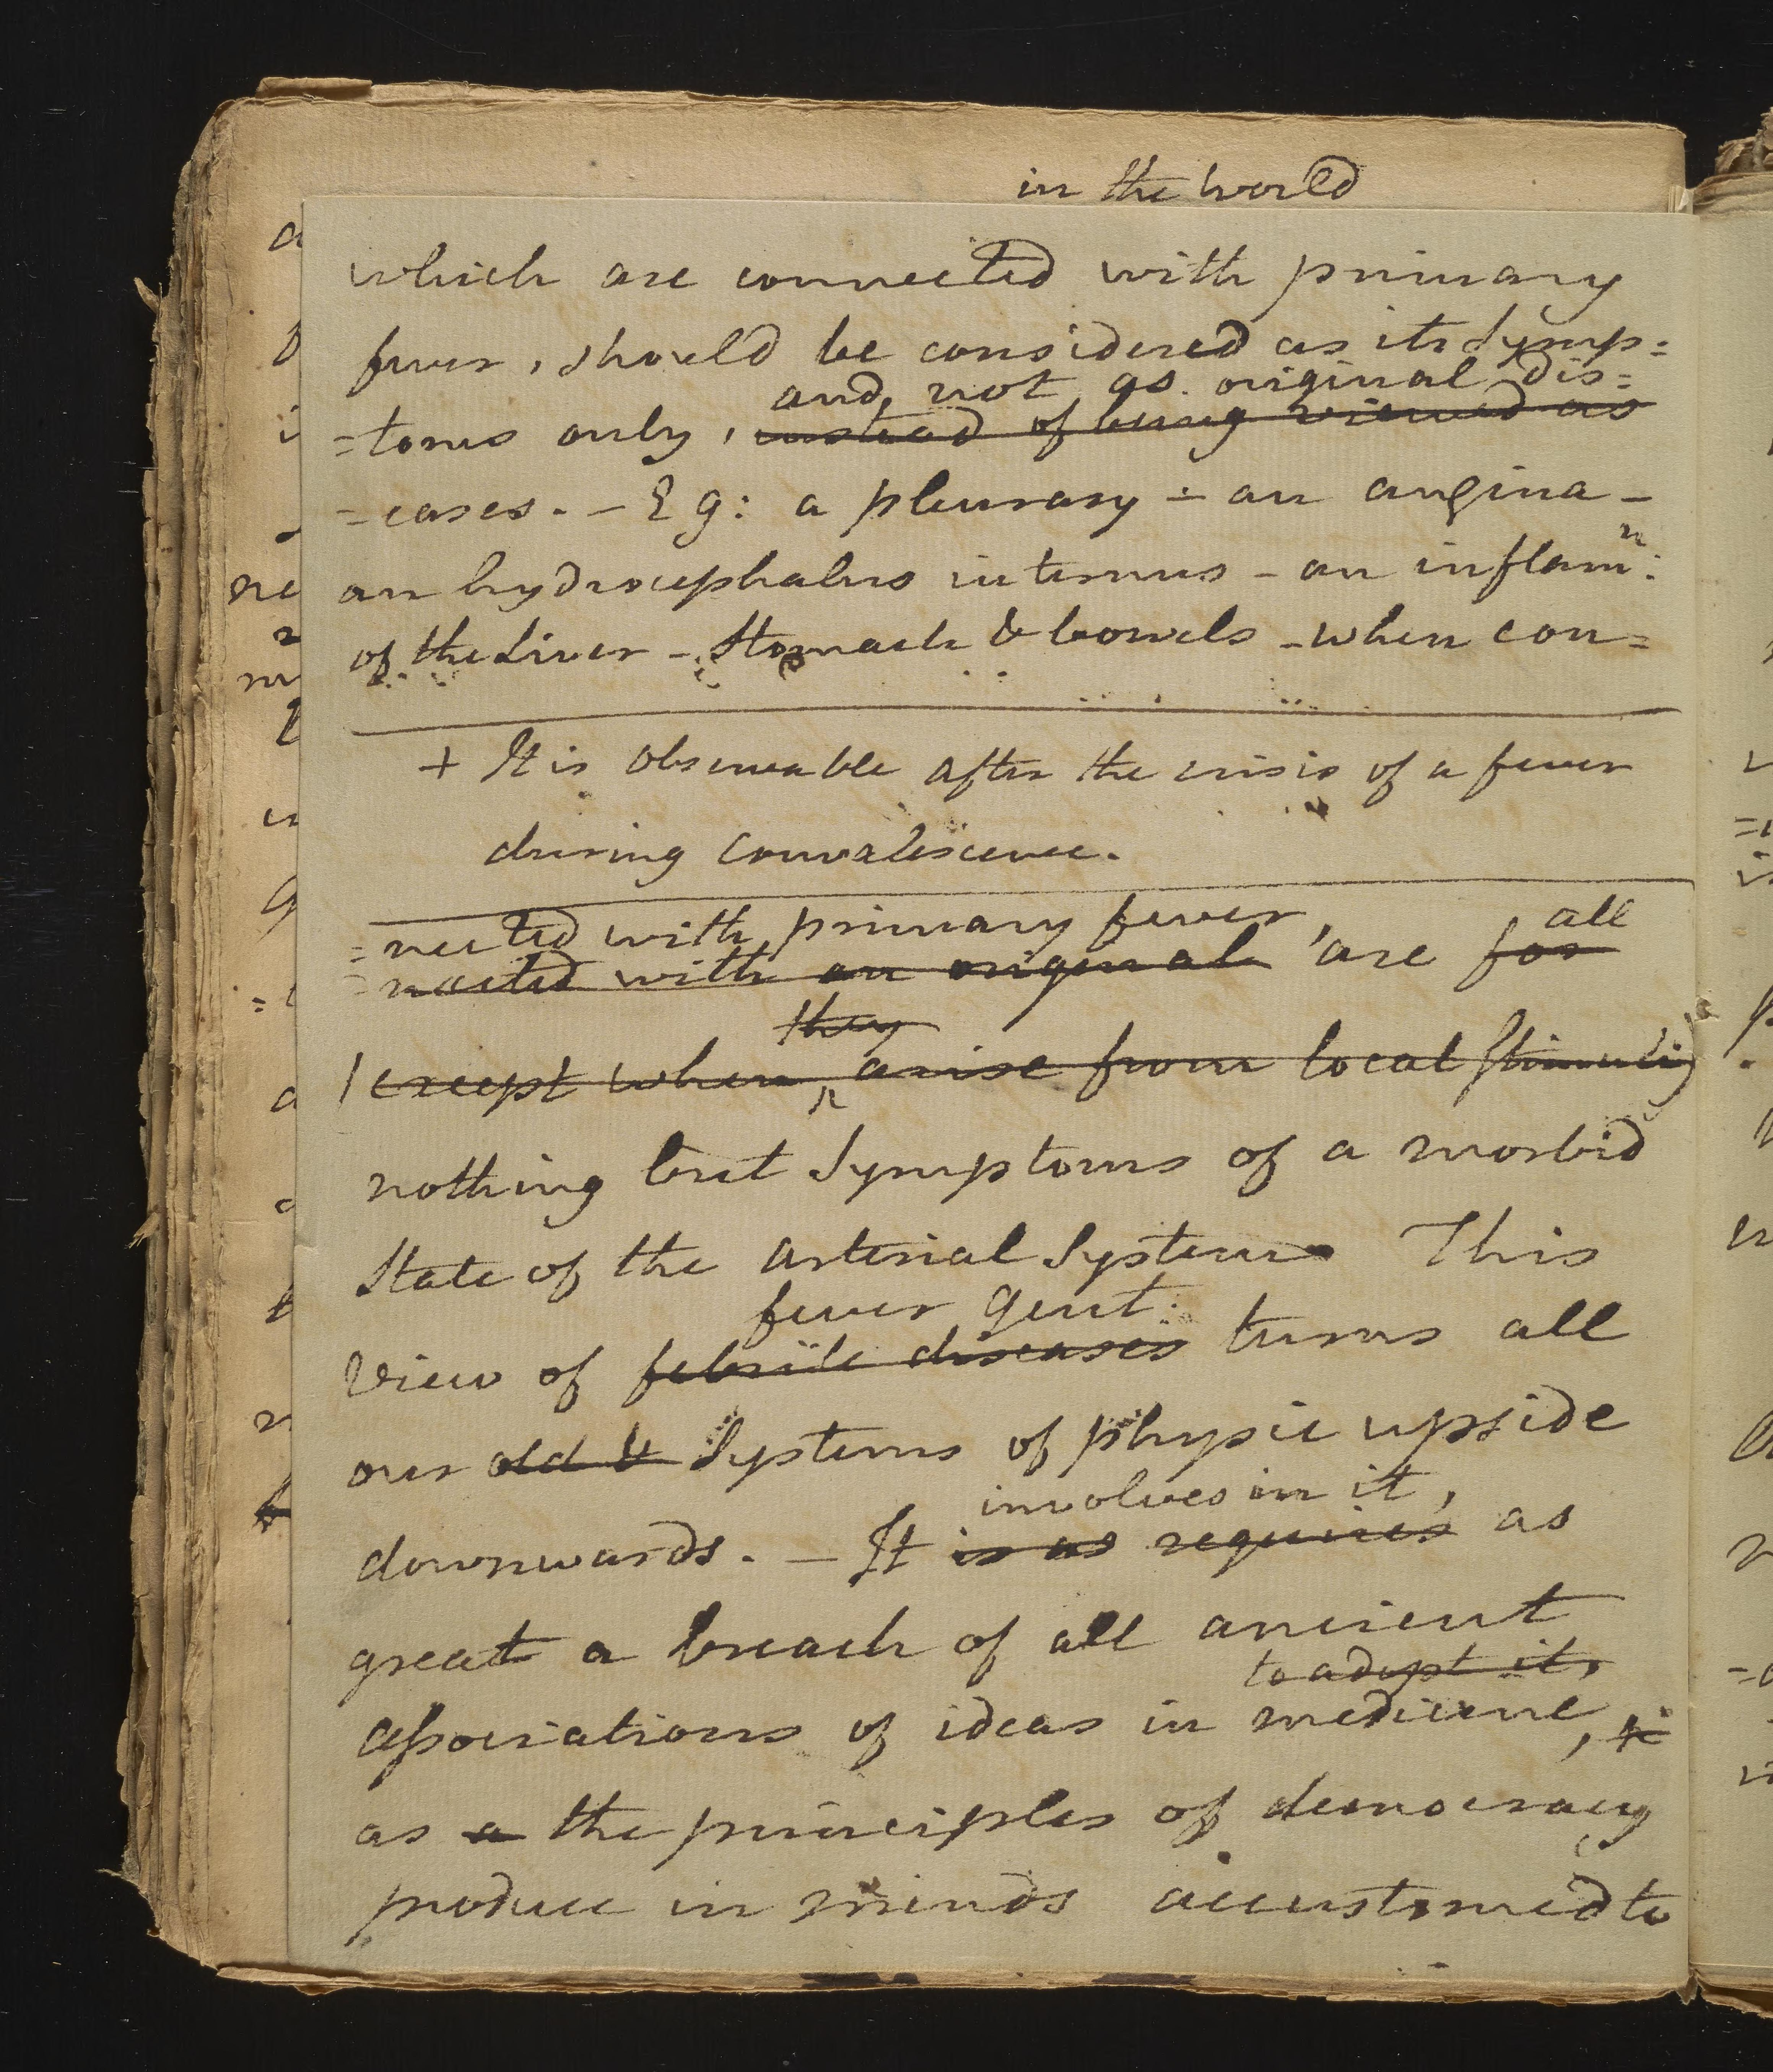which are connected with primary
fever, should be considered as its symp-
-toms only, [instead of being viewed as]
and not as original dis-
-eases.- Eg: a pleurasy- an angina-
an hydrocephalus intermes, an inflam^n
of the liver, stomach & bowels, when con-
It is observable after the risic of a fever
during convalescence.
-nected with primary fever
all
[nected with an original] are [for]
nothing but symptoms of a morbid
state of the aterial system. This
view of [febrile diseases] turns all
fever gent.
our [old &] symptoms of physic upside
involves in it
downwards. It [is no] [requires] as
great a breach of all ancient
associations of ideas in medicine,
as the principle of democracy
produce in minds accustomed to